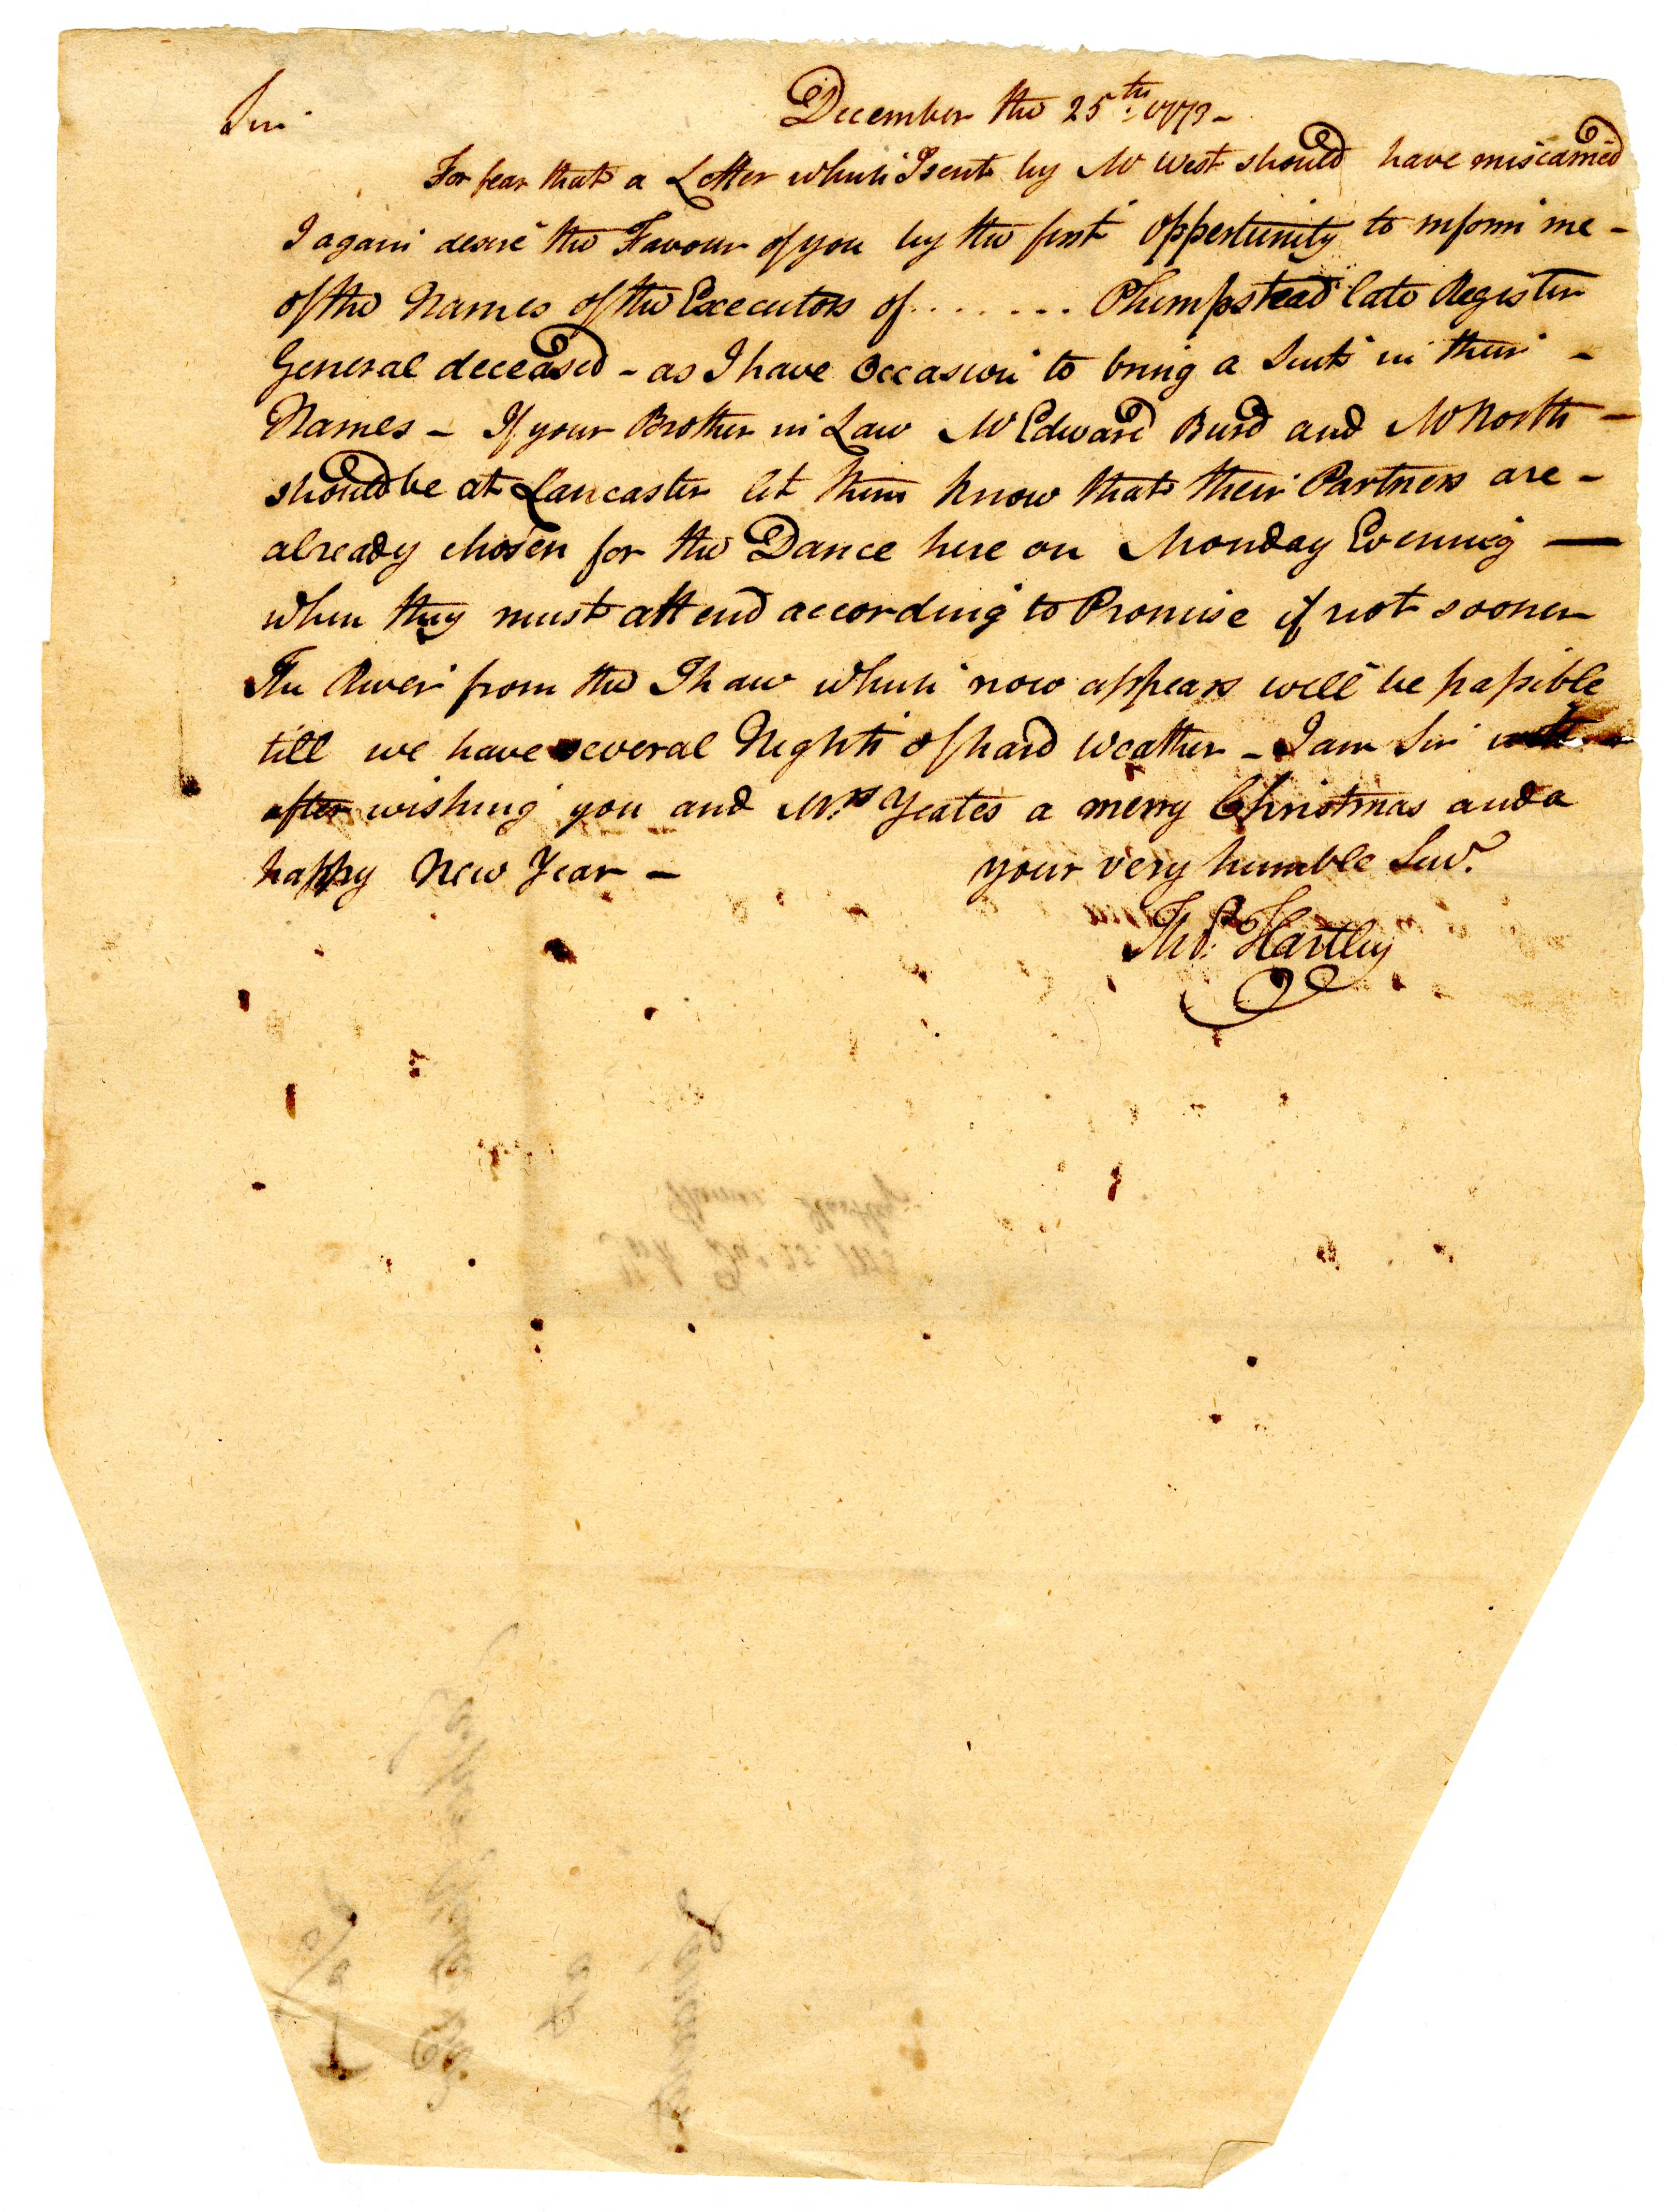December the 25^th 1773
Sir
For fear that a Letter which I sent by M^r West should have miscarried
I again desire the Favour of you by the first Oppertunity to inform me
of the names of the Executors of....... Plumpstead late Register
General deceased. as I have Occasion to bring a Suit in their
Names. If your Brother in Law M^r Edward Burd and M^r North
should be at Lancaster let them know that their Partners are
already chosen for the Dance here on Monday Evening
when they must att end according to Promise if not sooner
The River from the Shaw which now appears will be passible
till we have several Nights of hard weather. I am Sir with
after wishing you and M^rs. Yeates a merry Christmas and a
happy new Year.
your very humble Serv^t.
Tho^s: Hartley